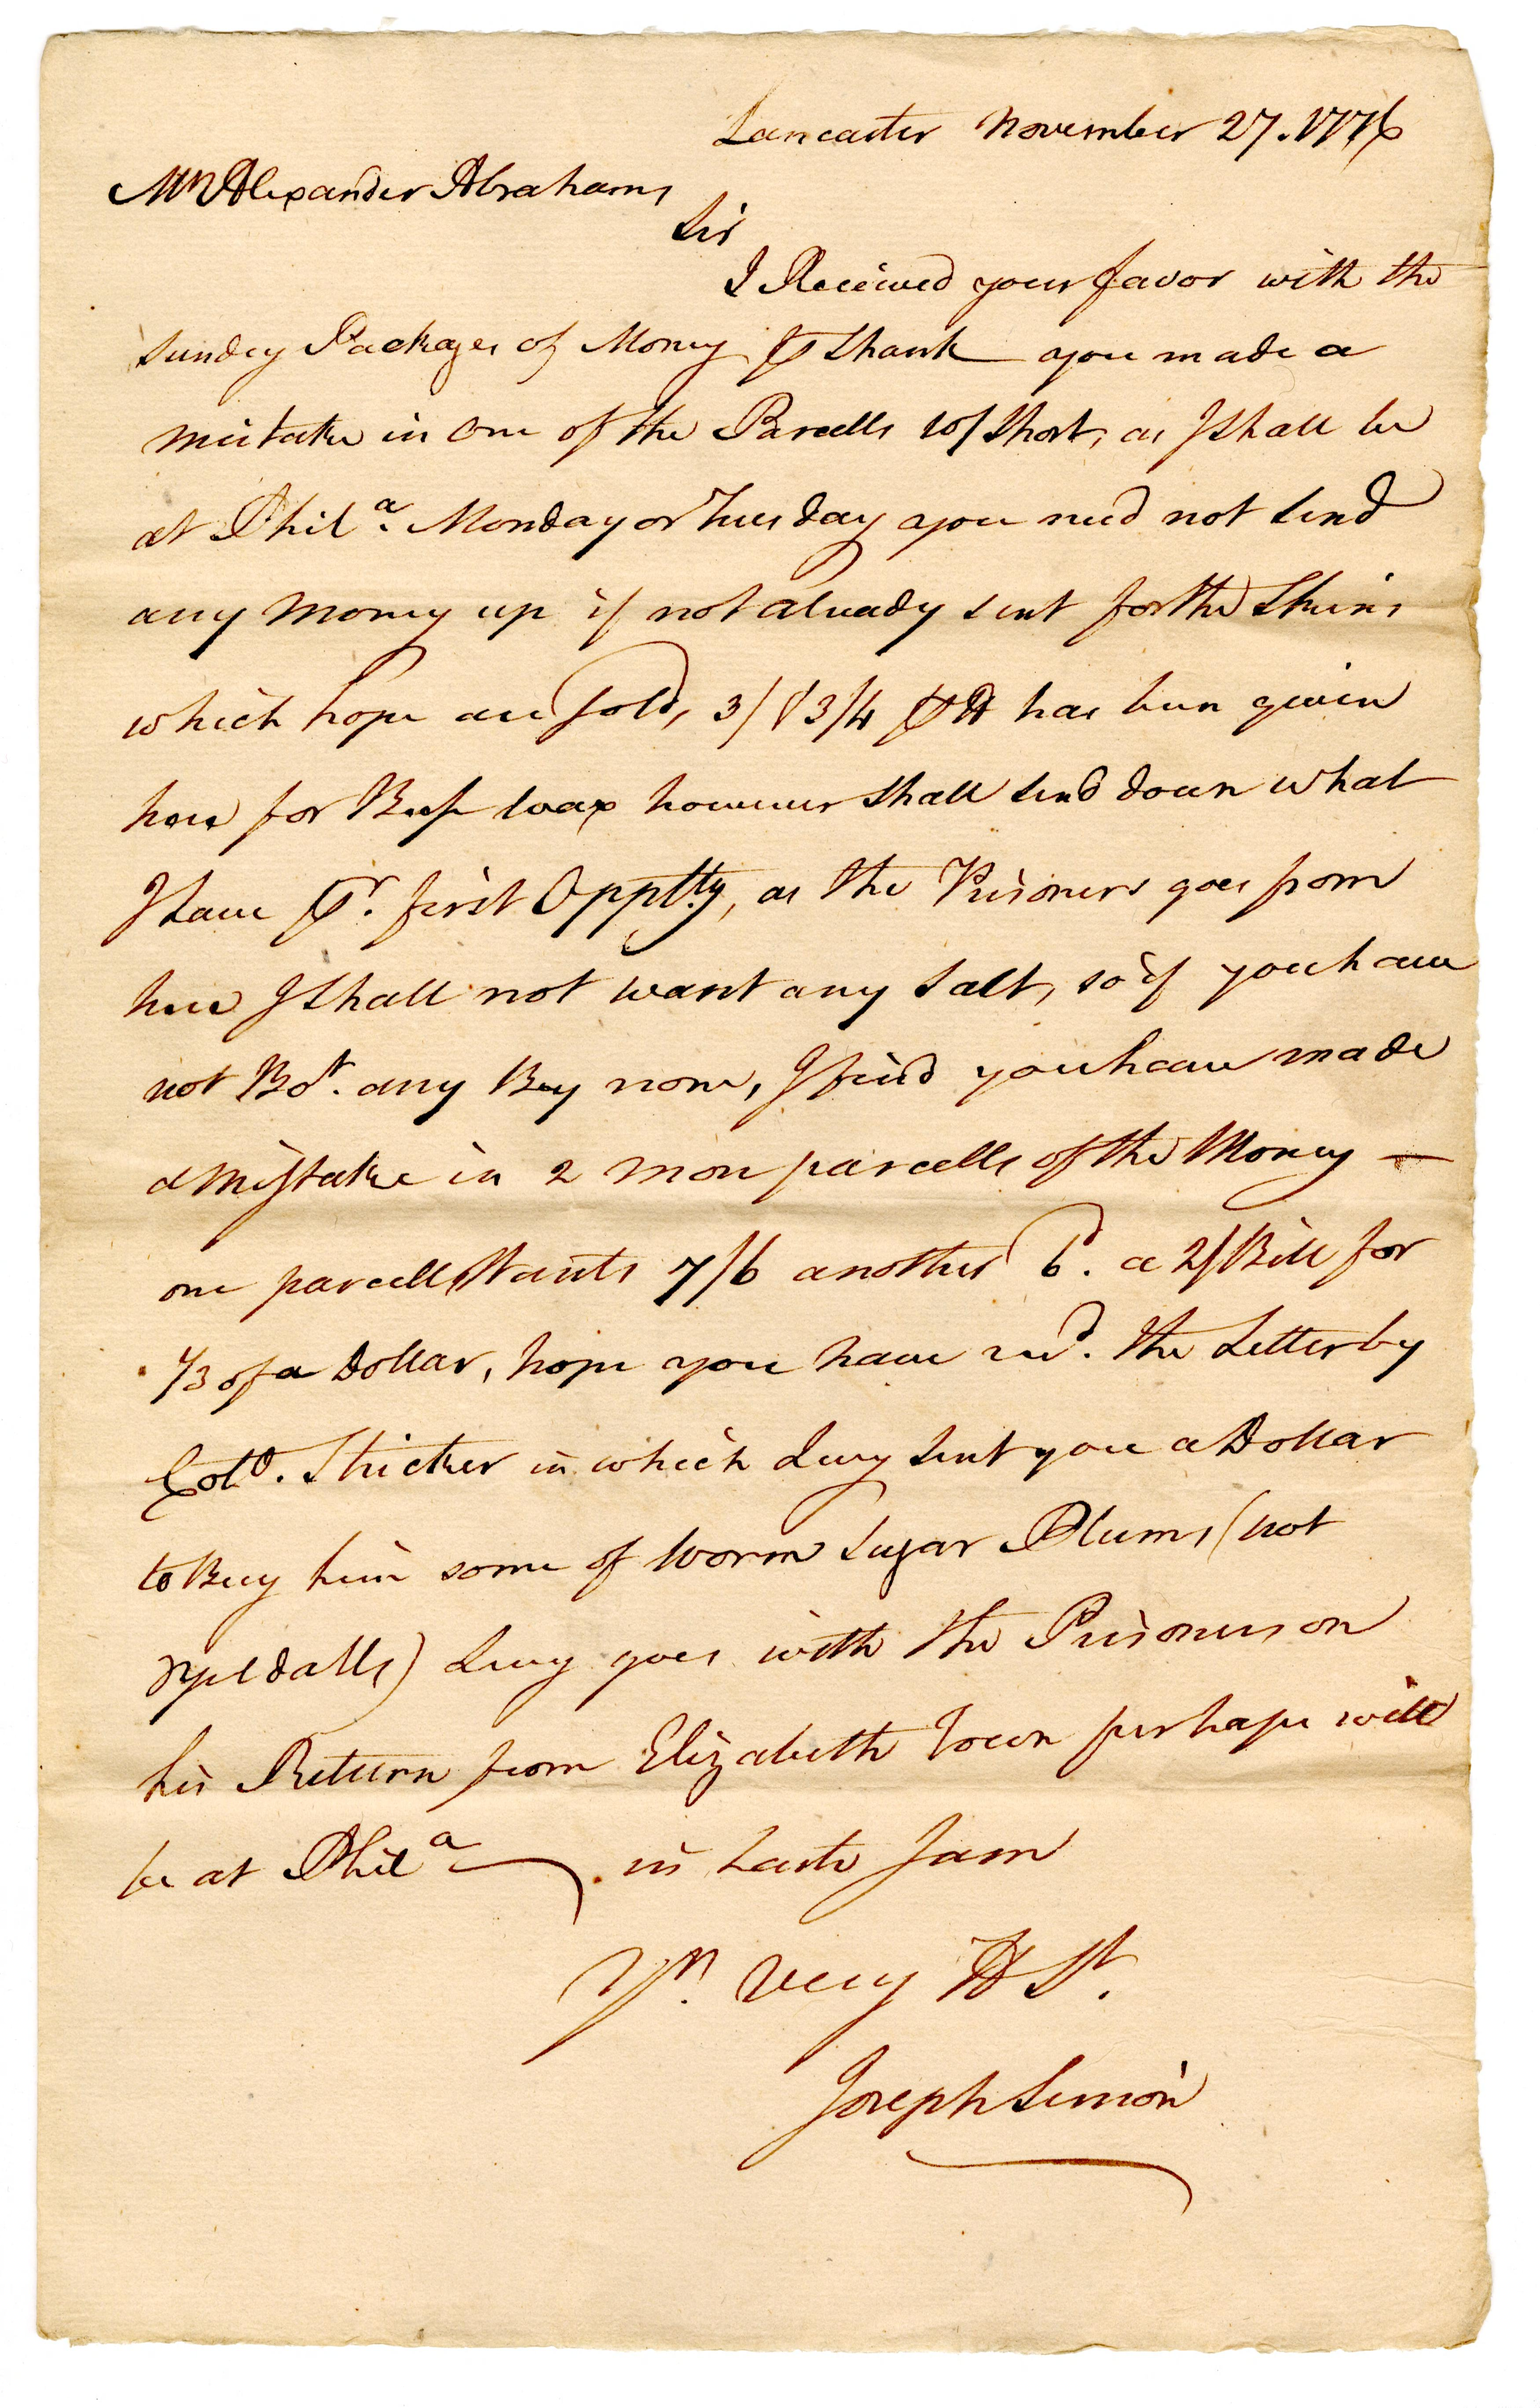Lancaster November 27. 1776
M^r Alexander Abraham,
Sir
I received your favor with the
Sundry Packages of Money per Shank you made a
mistake in one of the Parcells 10s Short, as I shall be
at Phil^a. Monday or Tuesday you need not send
any money up if not already sent for the skins
which hope are sold, 3s & 3s4 per ld has been given
here for Beeswax however shall send down what
I have p^r. first Opp^ty., as the Prisoners goes from
here I shall not want any salt, so if you have
not bo^t. any By now, I find you have made
a mistake in 2 more parcells of the Money.-
one parcell Wants 7s6 another 6^d. cc 2s bill for
1/3 of a Dollar, hope you have rec^d. the Letter by
Col^o. Shicker in which Lays sent you a Dollar
to Buy him some of Worm Sugar Plums (not
yeldalls) Levy goes with the Prisoners on
his Return from Elizabeth Town perhaps will
be at Phil^a- in haste I am
Y^r. very H S^t.
Joseph Simon